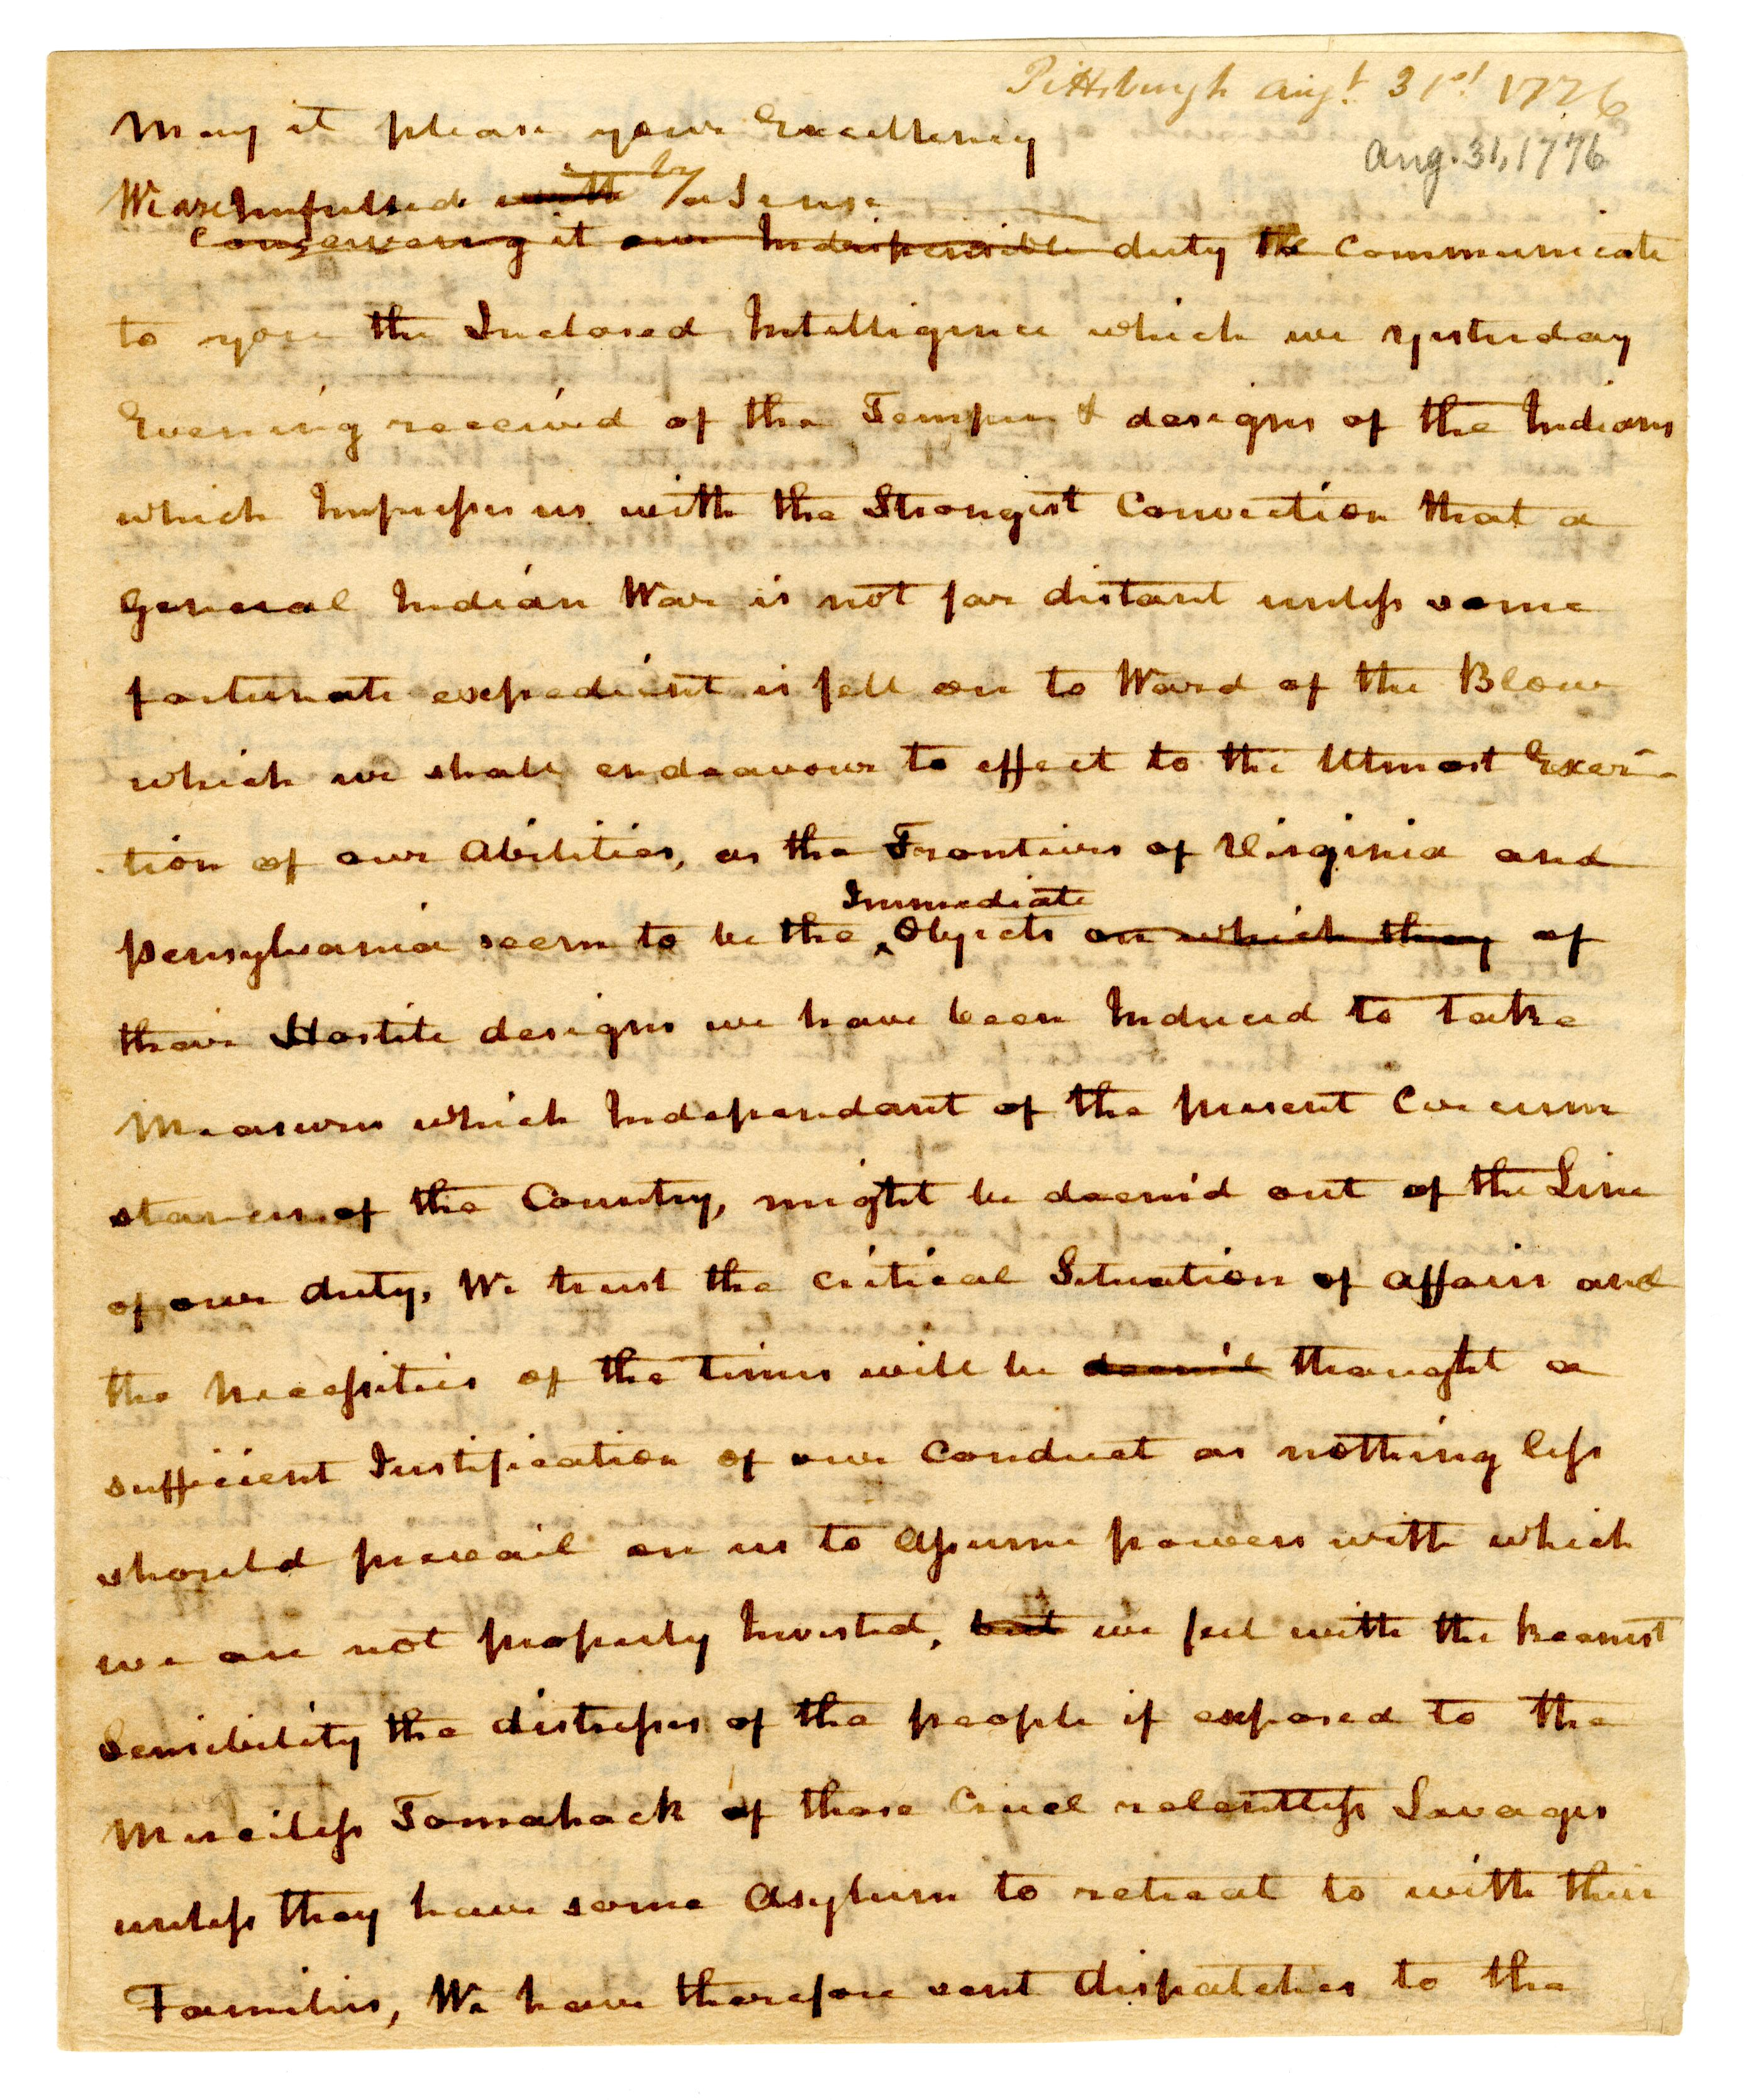Pittsburgh Aug^t. 31^st. 1776
May it please your Excellency
by
We are informed [with] a Savage
[Concerning it our Indispensible] duty to Communicate
to you the Inclosed Intelligence which we yesterday
Evening received of the Temper & design of the Indians
which Imposes us with the Strongest Conviction that a
General Indian War is not far distant unless some
fortunate expedient is fell on to Ward of the Blow
which we shall endeavour to effect to the Utmost Exer-
-tion of our Abilities, as the Frontiers of Virginia and
Pennsylvania seem to be the ^ Objects [on which they] of
Immediate
their Hostile designs we have been Induced to take
Measures which Independant of the present circum
stances of the Country, might be deem'd out of the Line
of our duty, We treat the critical Situation of Affairs and
the Necessities of the times will be [deem'd] thought a
sufficient Justification of our Conduct as nothing less
should prevail on us to Assume powers with which
we are not properly Invested, [but] we feel with the keenest
Sensibility the distresses of the people if exposed to the
Merciless Tomahack of those Cruel relentless Savages
unless they have some Asylum to retreat to with their
Families, We have therefore sent dispatches to the